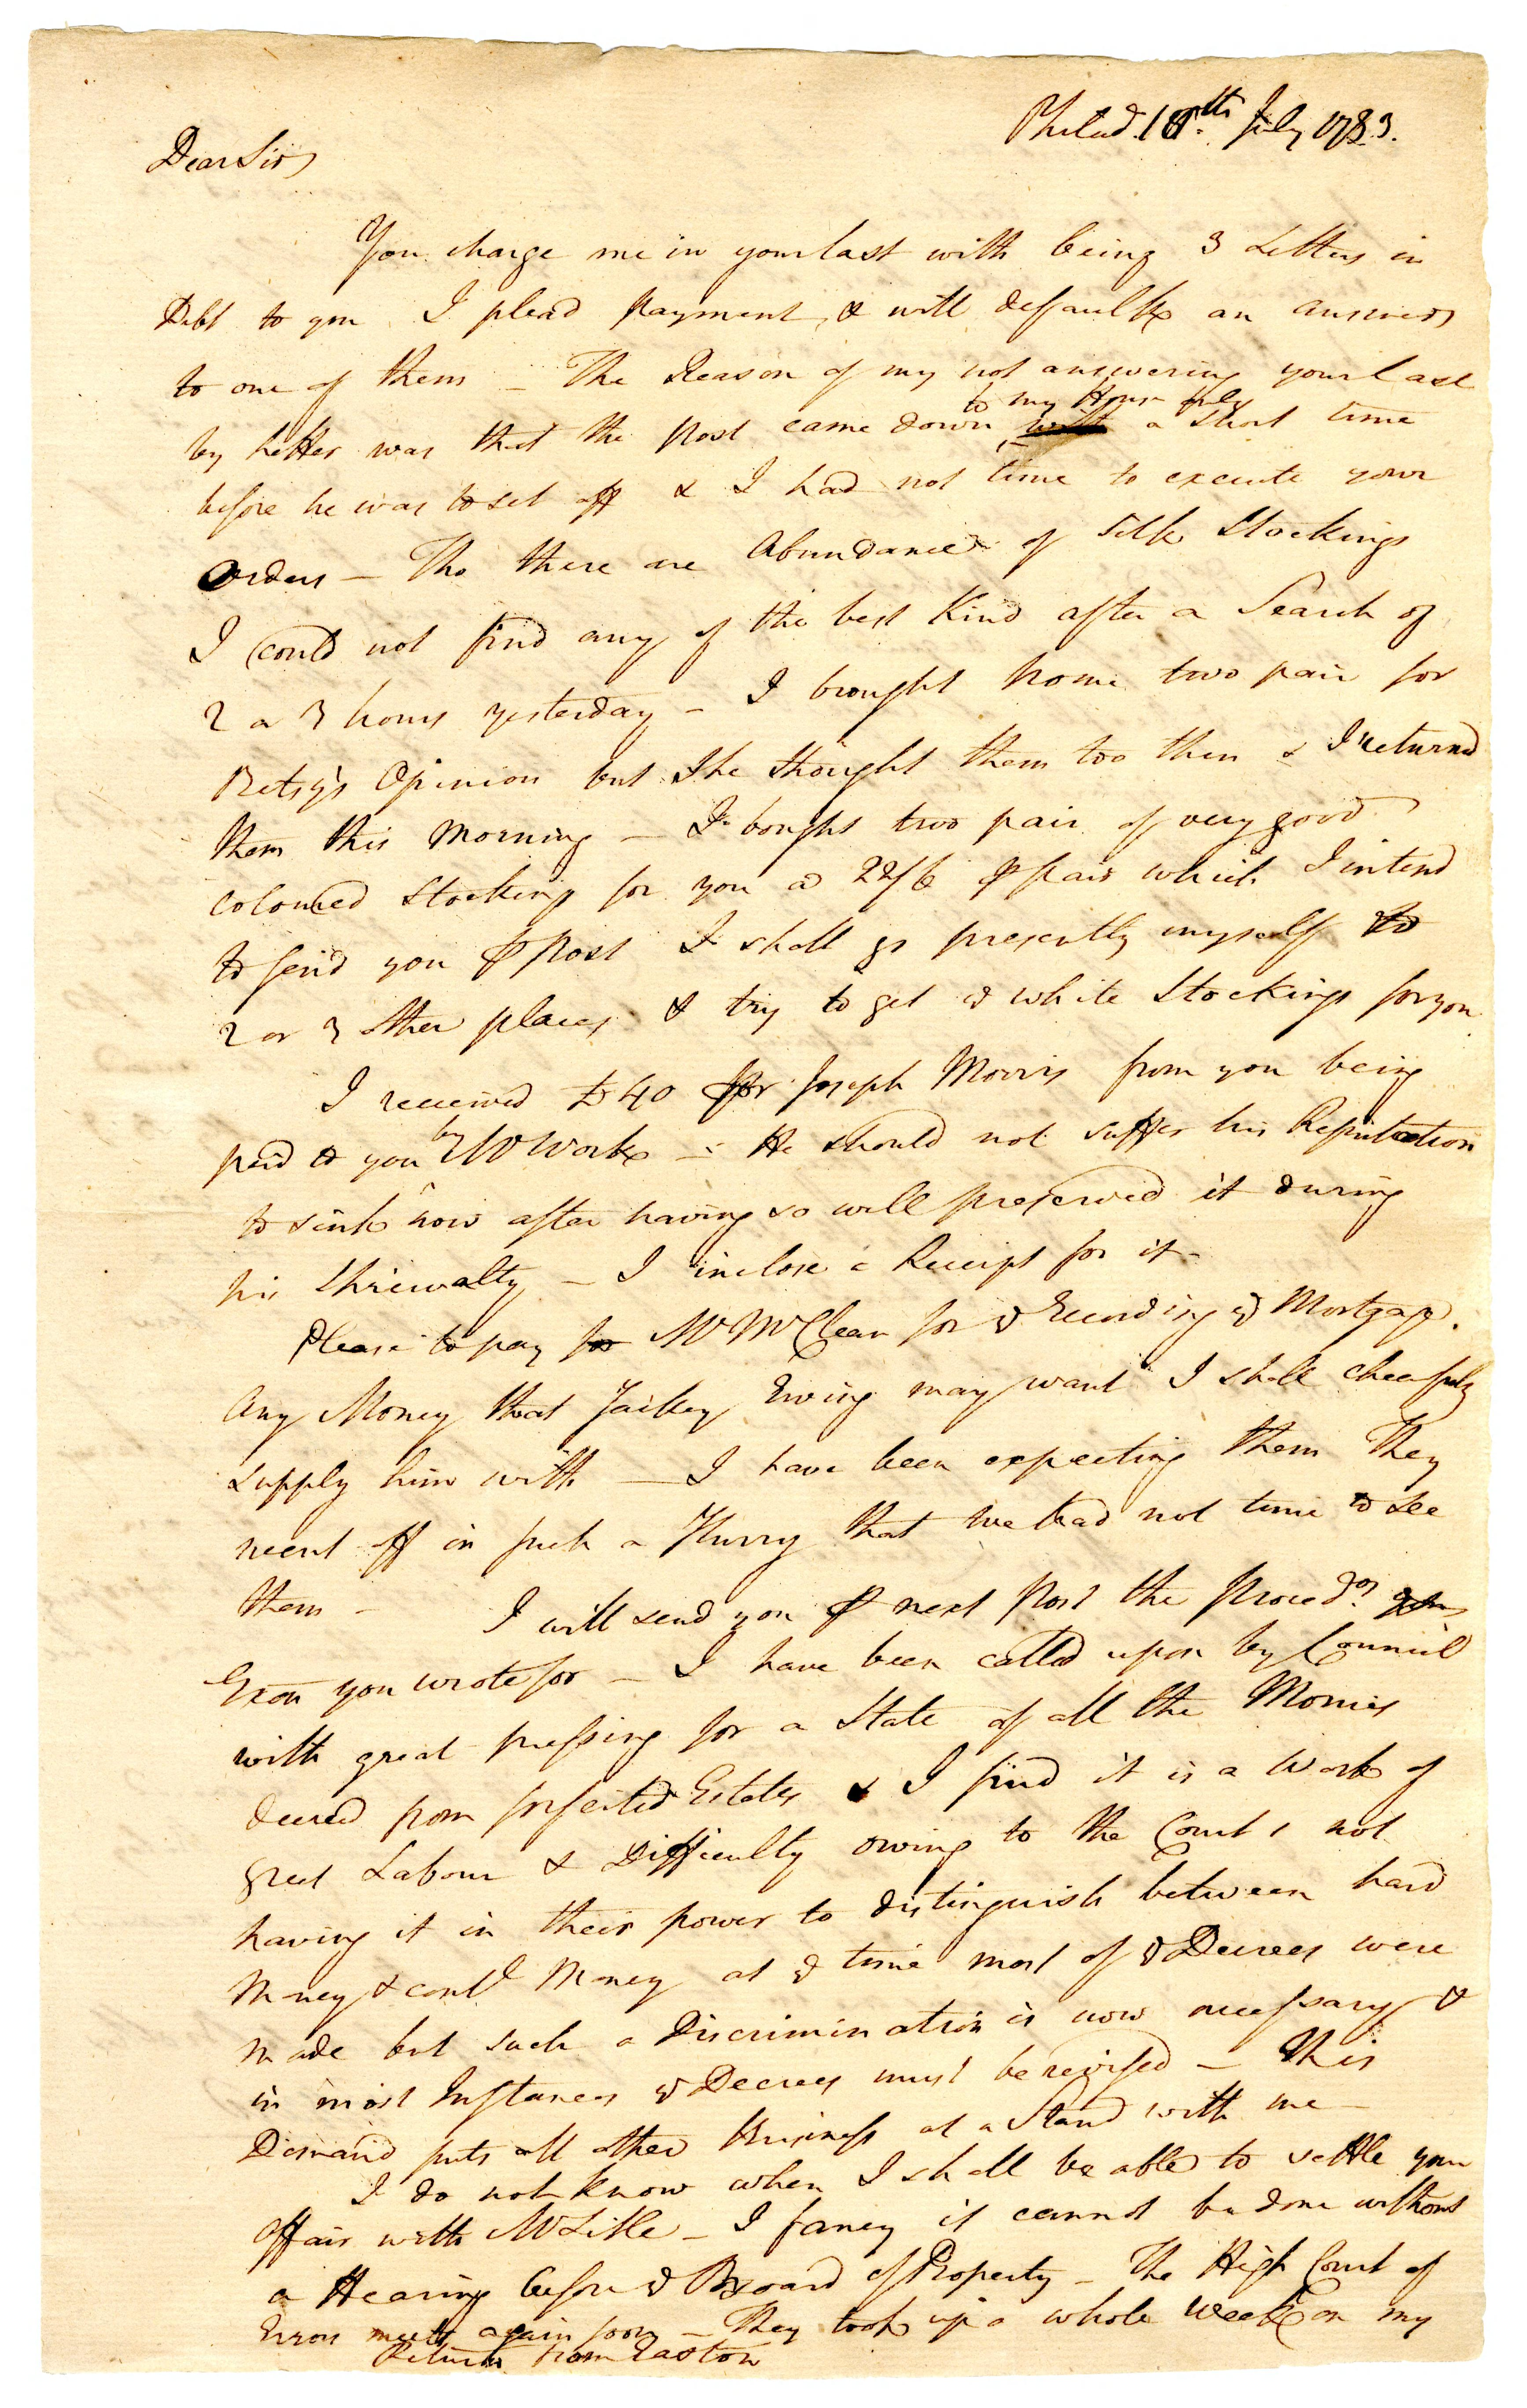Philad 18^th. July 1783.
Dear Sir
You charge me in your last with being 3 Letters in
Debt to you. I plead payment & will Default an answer
to one of them. The Reason of my not answering your last
to my Ans fuly
by Letter was that the Post came down ^ with a short time
before he was to set off & I had not time to excite your
Orders. Tho there are Abundance of silk Stockings
I could not find any of the best kind after a Search of
2 or 3 hours yesterday. I brought home two pair for
Betsy's Opinion but She thought them too then & I returned
them this morning. I bought two pair of very good
coloured Stocking for you @ 22s6 per pair which I intend
to send you per Post I shall go presently myself to
2 or 3 other places & try to get y^e white Stockings for you.
I received £40 for Joseph Morris from you being
paid to you by W Work. He should not suffer his Reputation
to sink now after having so well preserved it during
his shrievalty- I inclose a Receipt for it
Please to pay for M^r M^cClear for & recording y^e Mortgage
Any Money that Jackey Ewing may want I shall chearfully
supply him with. I have been expecting them They
went off in such a Hurry that we had not time to see
them
I will send you per next post the proced^s.
now you wrote for. I have been called upon by Council
with great pressing for a State of all the Monies
desired from forfeited Estates & I find it is a work of
great Labour & Difficulty owing to the Courts not
having it in their power to distinguish between hard
Money & cont^l Money at y^e time most of y^e Decrees were
made but such a Discrimination is now necessary &
in most Instances y^e Decrees must be revised. This
Demand puts all other Business at Stand with me
I do not know when I shall be able to settle your
Affair with M^r Litle. I faney it cannot be done without
a Hearing before y^e Board of Property- The High Court of
Error meets again soon. They took up a whole week on my
Return from Easton